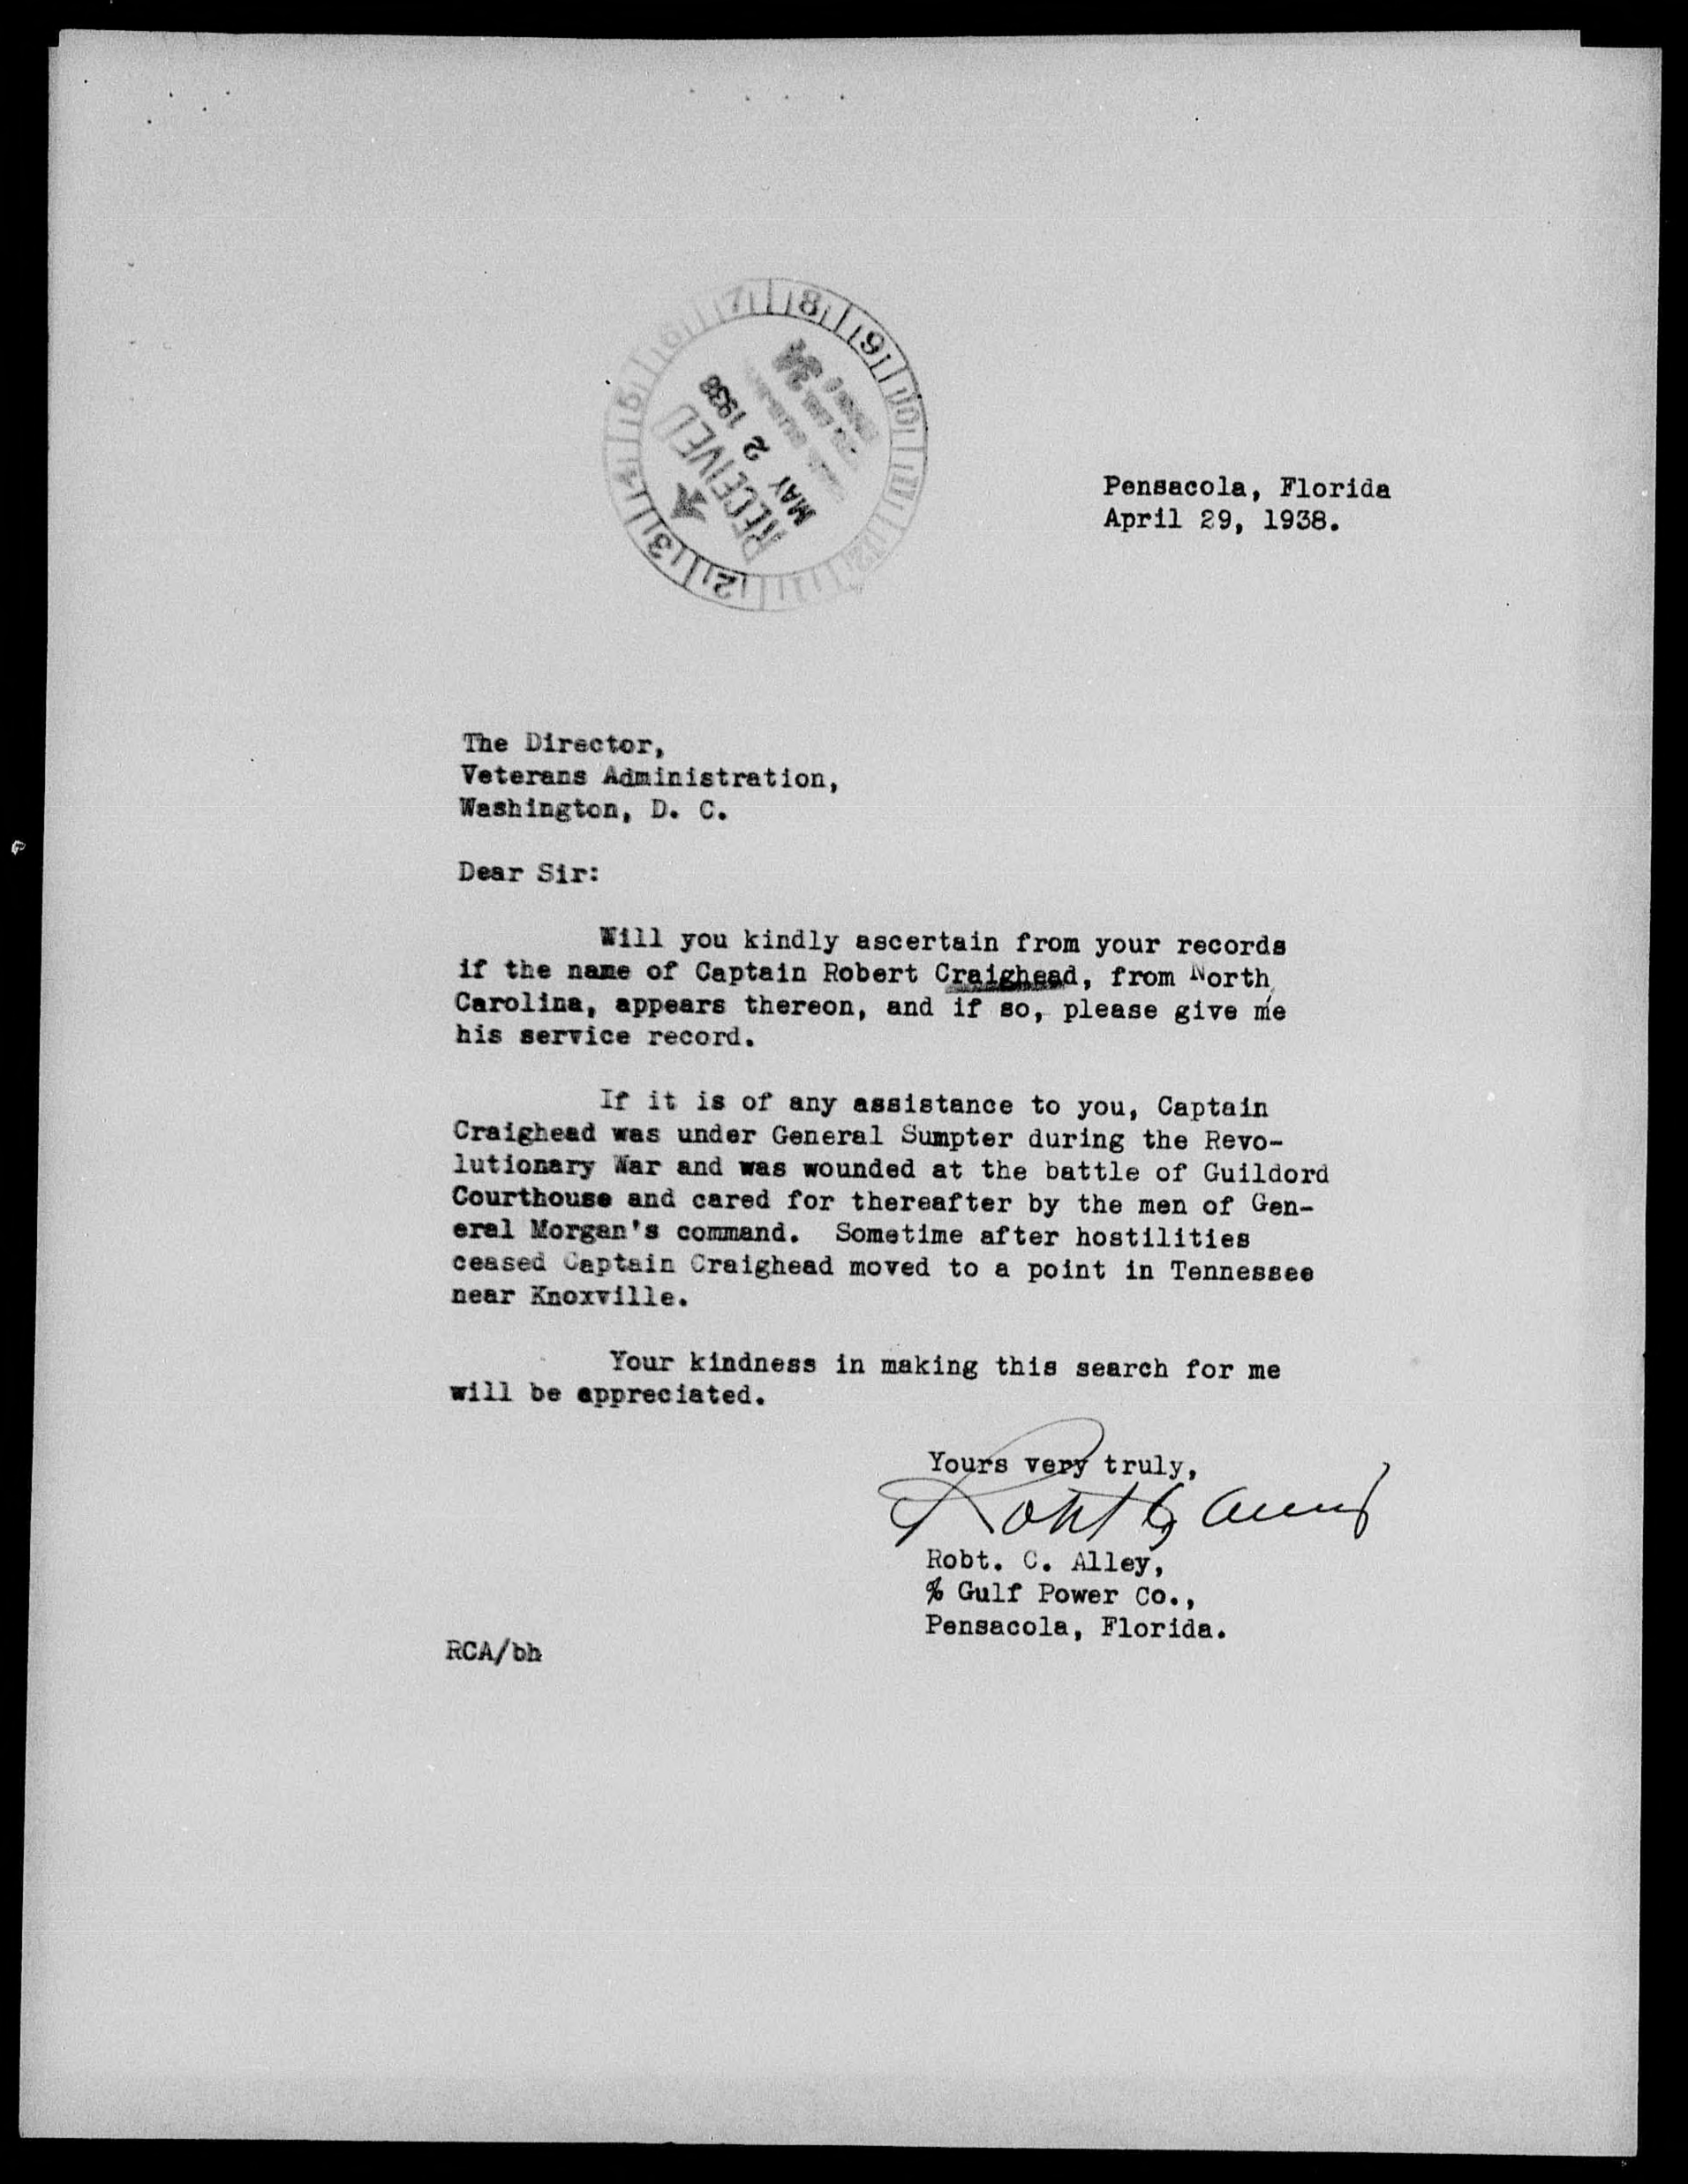RECEIVED
MAY 2 1938
(illegible)

Pensacola, Florida
April 29, 1938.

The Director,
Veterans Administration,
Washington, D. C.

Dear Sir:

Will you kindly ascertain from your records
if the name of Captain Robert Craighead, from North Carolina,
appears thereon, and if so, please give me his service record.

If it is of any assistance to you, Captain
Craighead was under General Sumpter during the Revolutionary
War and was wounded at the battle of Guildord
Courthouse and cared for thereafter by the men of General
Morgan's command. Sometime after hostilities
ceased Captain Craighead moved to a point in Tennessee
near Knoxville.

Your kindness in making this search for me
will be appreciated.

Yours very truly,
out and
Robt. C. Alley,
c/o Gulf Power Co.,
Pensacola, Florida.

RCA/bh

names: Craighead, Craighead, Robt C Alley, Robt C Alley, Robert Craighead, Morgan, Sumpter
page: 24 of 26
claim: survivor's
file: S. 352, Robert Craighead, N.C.